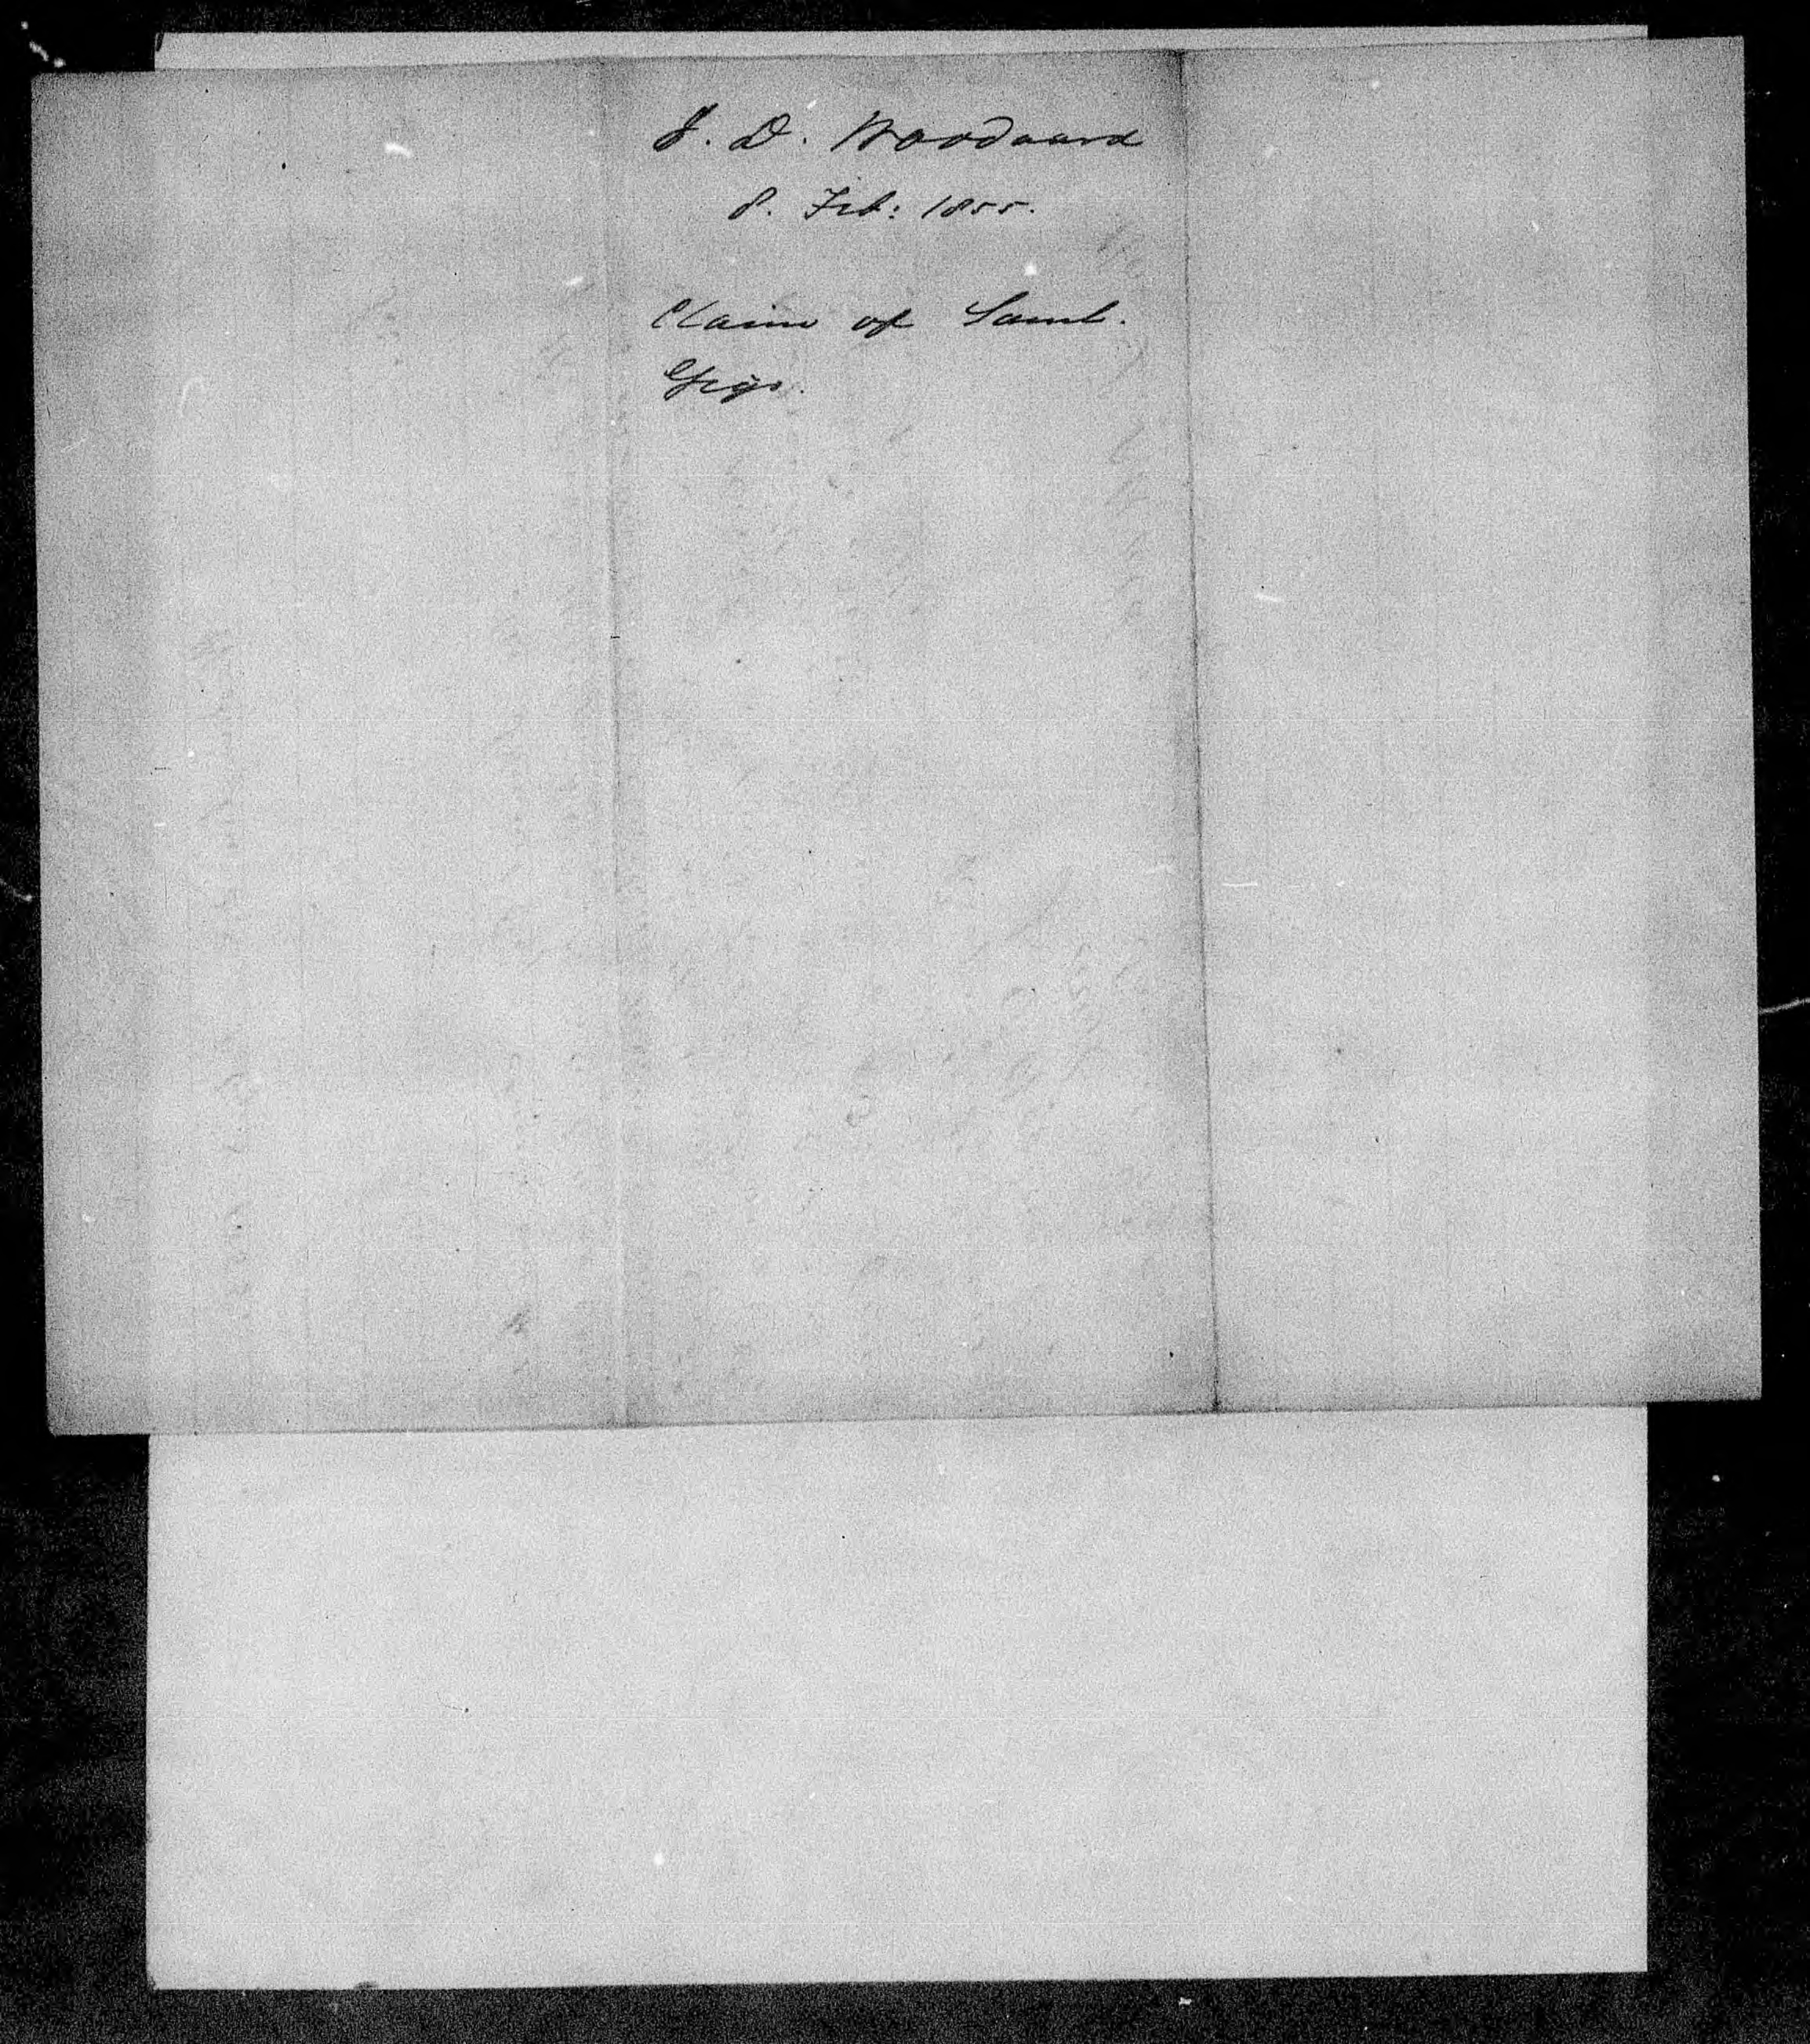J D Woodward
8 Feb 1855

Claim of Saml Gigo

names: Saml Gigo, J D Woodward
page: 95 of 98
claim: widow's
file: W. 21182, Francis Gigo, Continental (Canadian)